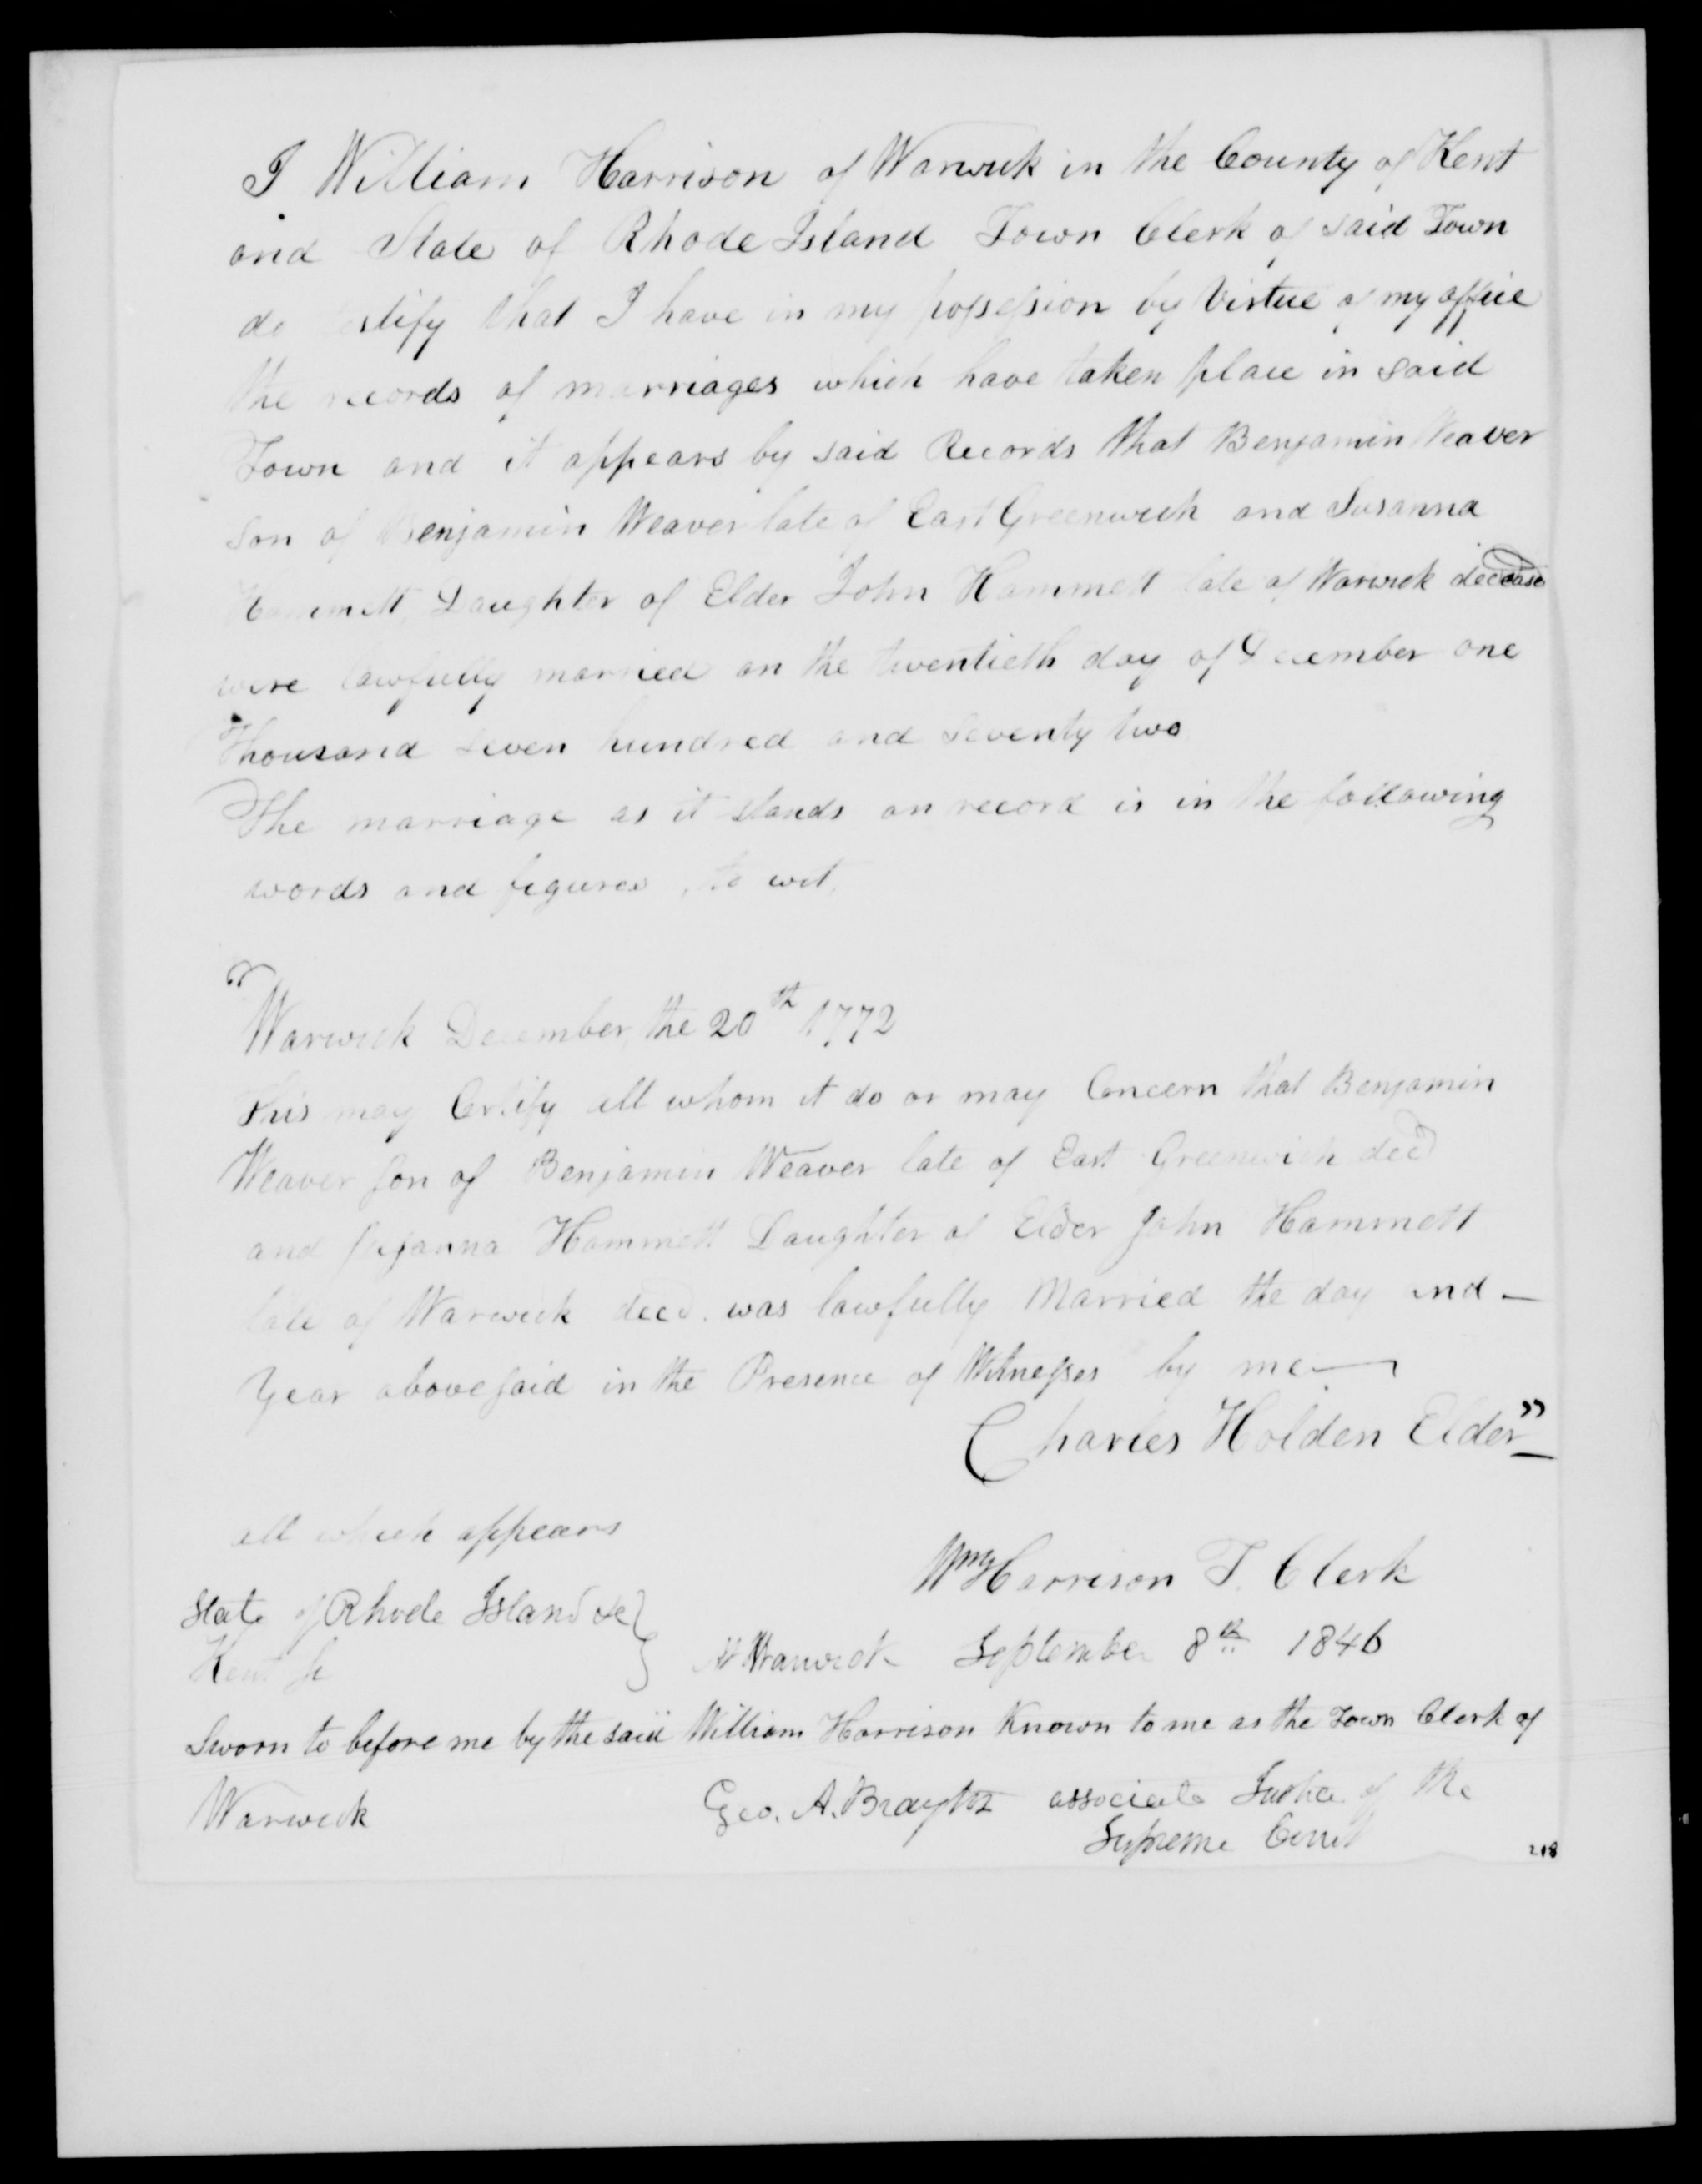I William Harrison of Warwick in the County of Kent and State of Rhode Island Town Clerk of said town do testify that I have in my profession by virtue of my office the records of marriages which have taken place in said town and it appears by said records that Benjamin Weaver son of Benjamin Weaver late of East Greenwich and Susanna Hammett daughter of Elder John Hammett late of Warwick deceased were lawfully married on the twentieth day of December one thousand seven hundred and seven two
The marriage as it stands on record is in the following words and figures, to wit.

Warwick December the 20th 1772
This may Certify all whom it do or may Concern that Benjamin Weaver son of Benjamin Weaver late of East Greenwich decd and Susanna Hammett daughter of Elder John Hammett late of Warwick decd. was lawfully married the day and year above said in the presence of Witnesses by me~~
Charles Holden Elder”

All which appears
State of Rhode Island [?] }
Kent Jr

Wm Harrison T. Clerk
Warwick September 8th 1846

Sworn to before me by the said William Harrison  known to me as the town Clerk of Warwick

Geo. A. Brayton associate Justice of the Supreme Court

208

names: Karl Greenwich, Susanna Hammett, John Hammett, Benjamin Weaver, Sussana Hammett, Charles Holden, Warwick Leonard, Geo A Brayton, William Harrison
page: 5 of 53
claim: widow's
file: W 17707, Benjamin Weaver, R.I.